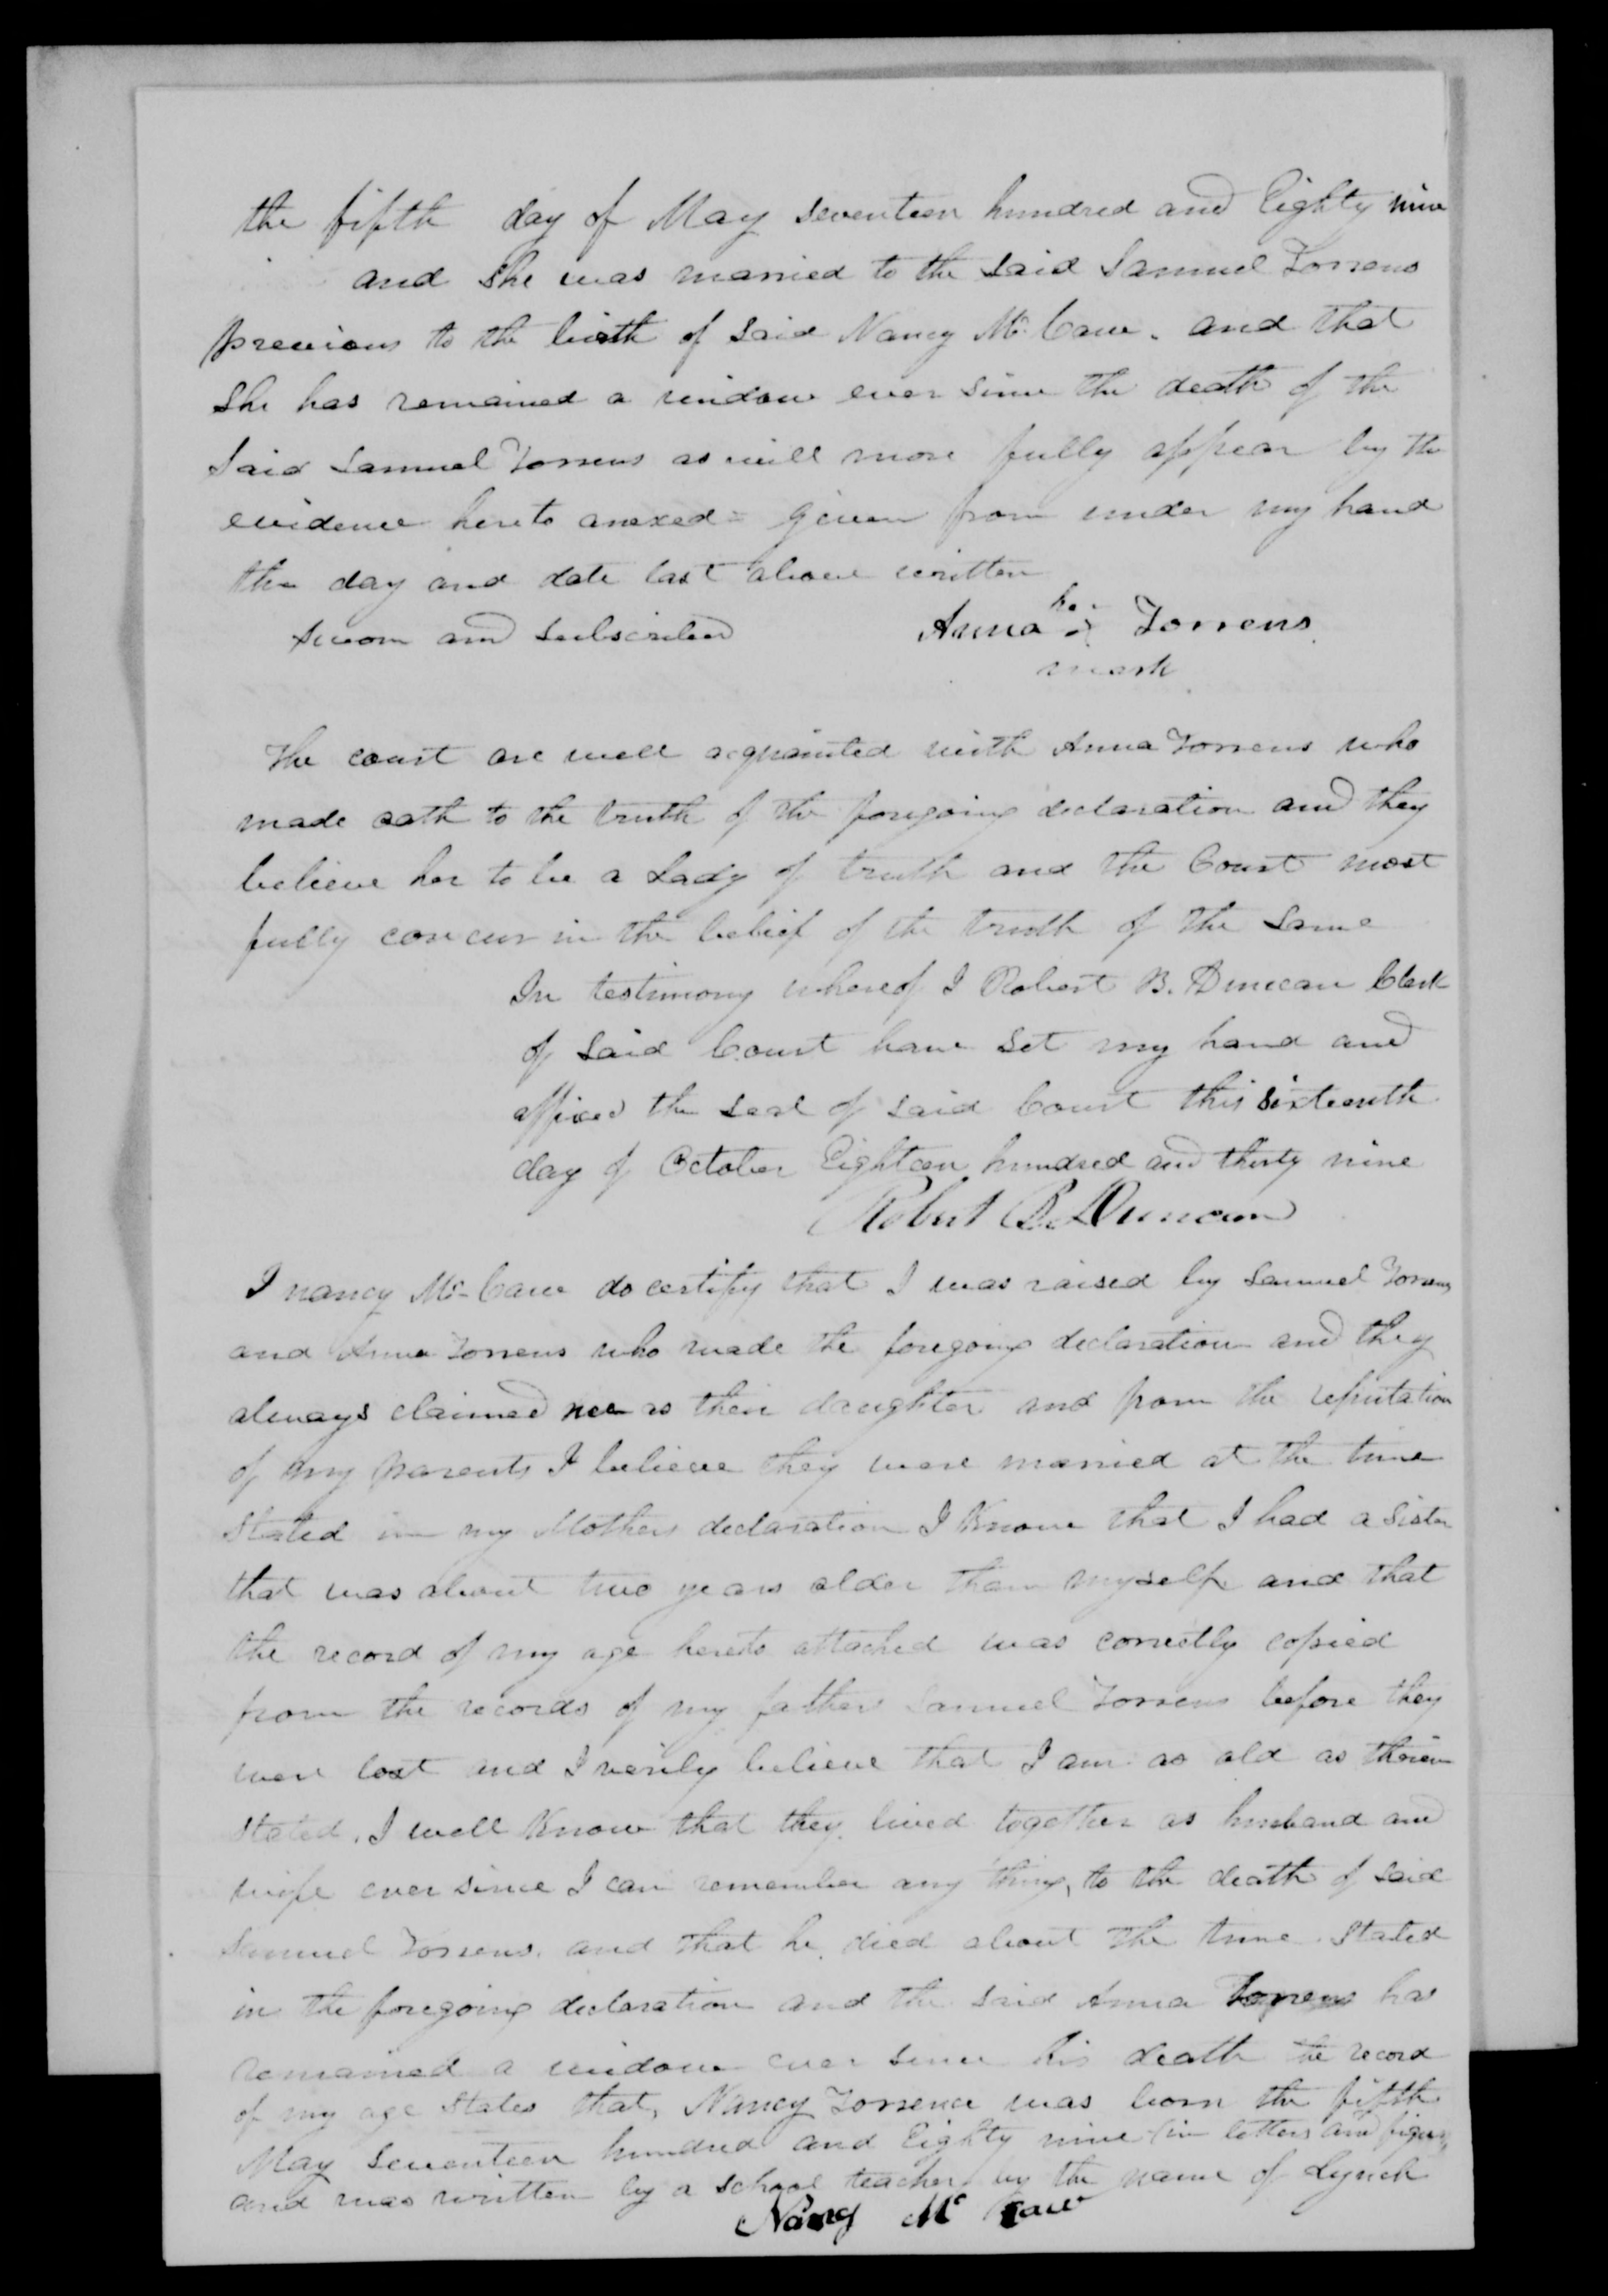the fifth day of May seventeen hundred and Eighty nine
and she was married to the said Samuel Torrens previous to the birth of said Nancy McCaw. and that she has remained a widow ever since the death of the said Samuel Torrens as will more fully appear by the evidence hereto annexed= given from under my hand the day and date last above written
Sworn and Subscribed Anna x her mark Torrens

The court are well acquainted with Anna Torrens who made oath to the truth of the foregoing declaration and they believe her to be a Lady of truth and the Court most fully concur in the belief of the truth of the same
In testimony whereof I Robert B. Duncan Clerk of said Court have set my hand and affixed the seal of said Court this sixteenth day of October Eighteen hundred and thirty nine
Robert B. Duncan
I Nancy McCaw do certify that I was raised by Samuel Torrens and Anna Torrens who made the foregoing declaration and they always claimed me as their daughter and from the reputation of my parents I believe they were married at the time stated in my Mother's declaration I Know that I had a sister that was about two years older than myself and that the record of my age hereto attached was correctly copied from the records of my father Samuel Torrens before they were lost and I verily believe that I am as old as therein stated. I well know that they lived together as husband and wife ever since I can remember any thing, to the death of said Samuel Torrens, and that he died about the time stated in the foregoing declaration and the said Anna Torrens has remained a widow ever since his death the record of my age states that Nancy Torrens was born the fifth May Seventeen hundred and Eighty nine (in letters and figures) and was written by a school teacher by the name of Lynch
Nancy McCaw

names: Samuel Torrens, Nancy Torrence, Anna Torrens, Nancy Mc Caw, Samuel Torrens, Anna Torrens, Anna Torrens, Samuel Torrens, Lynch, Robert B Duncan, Samuel Torrens, Anna Torrens, Robert B Duncan, Nancy Mc Caw, Samuel Torrens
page: 15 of 27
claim: widow's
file: W. 9860, Samuel Torrons, Va.